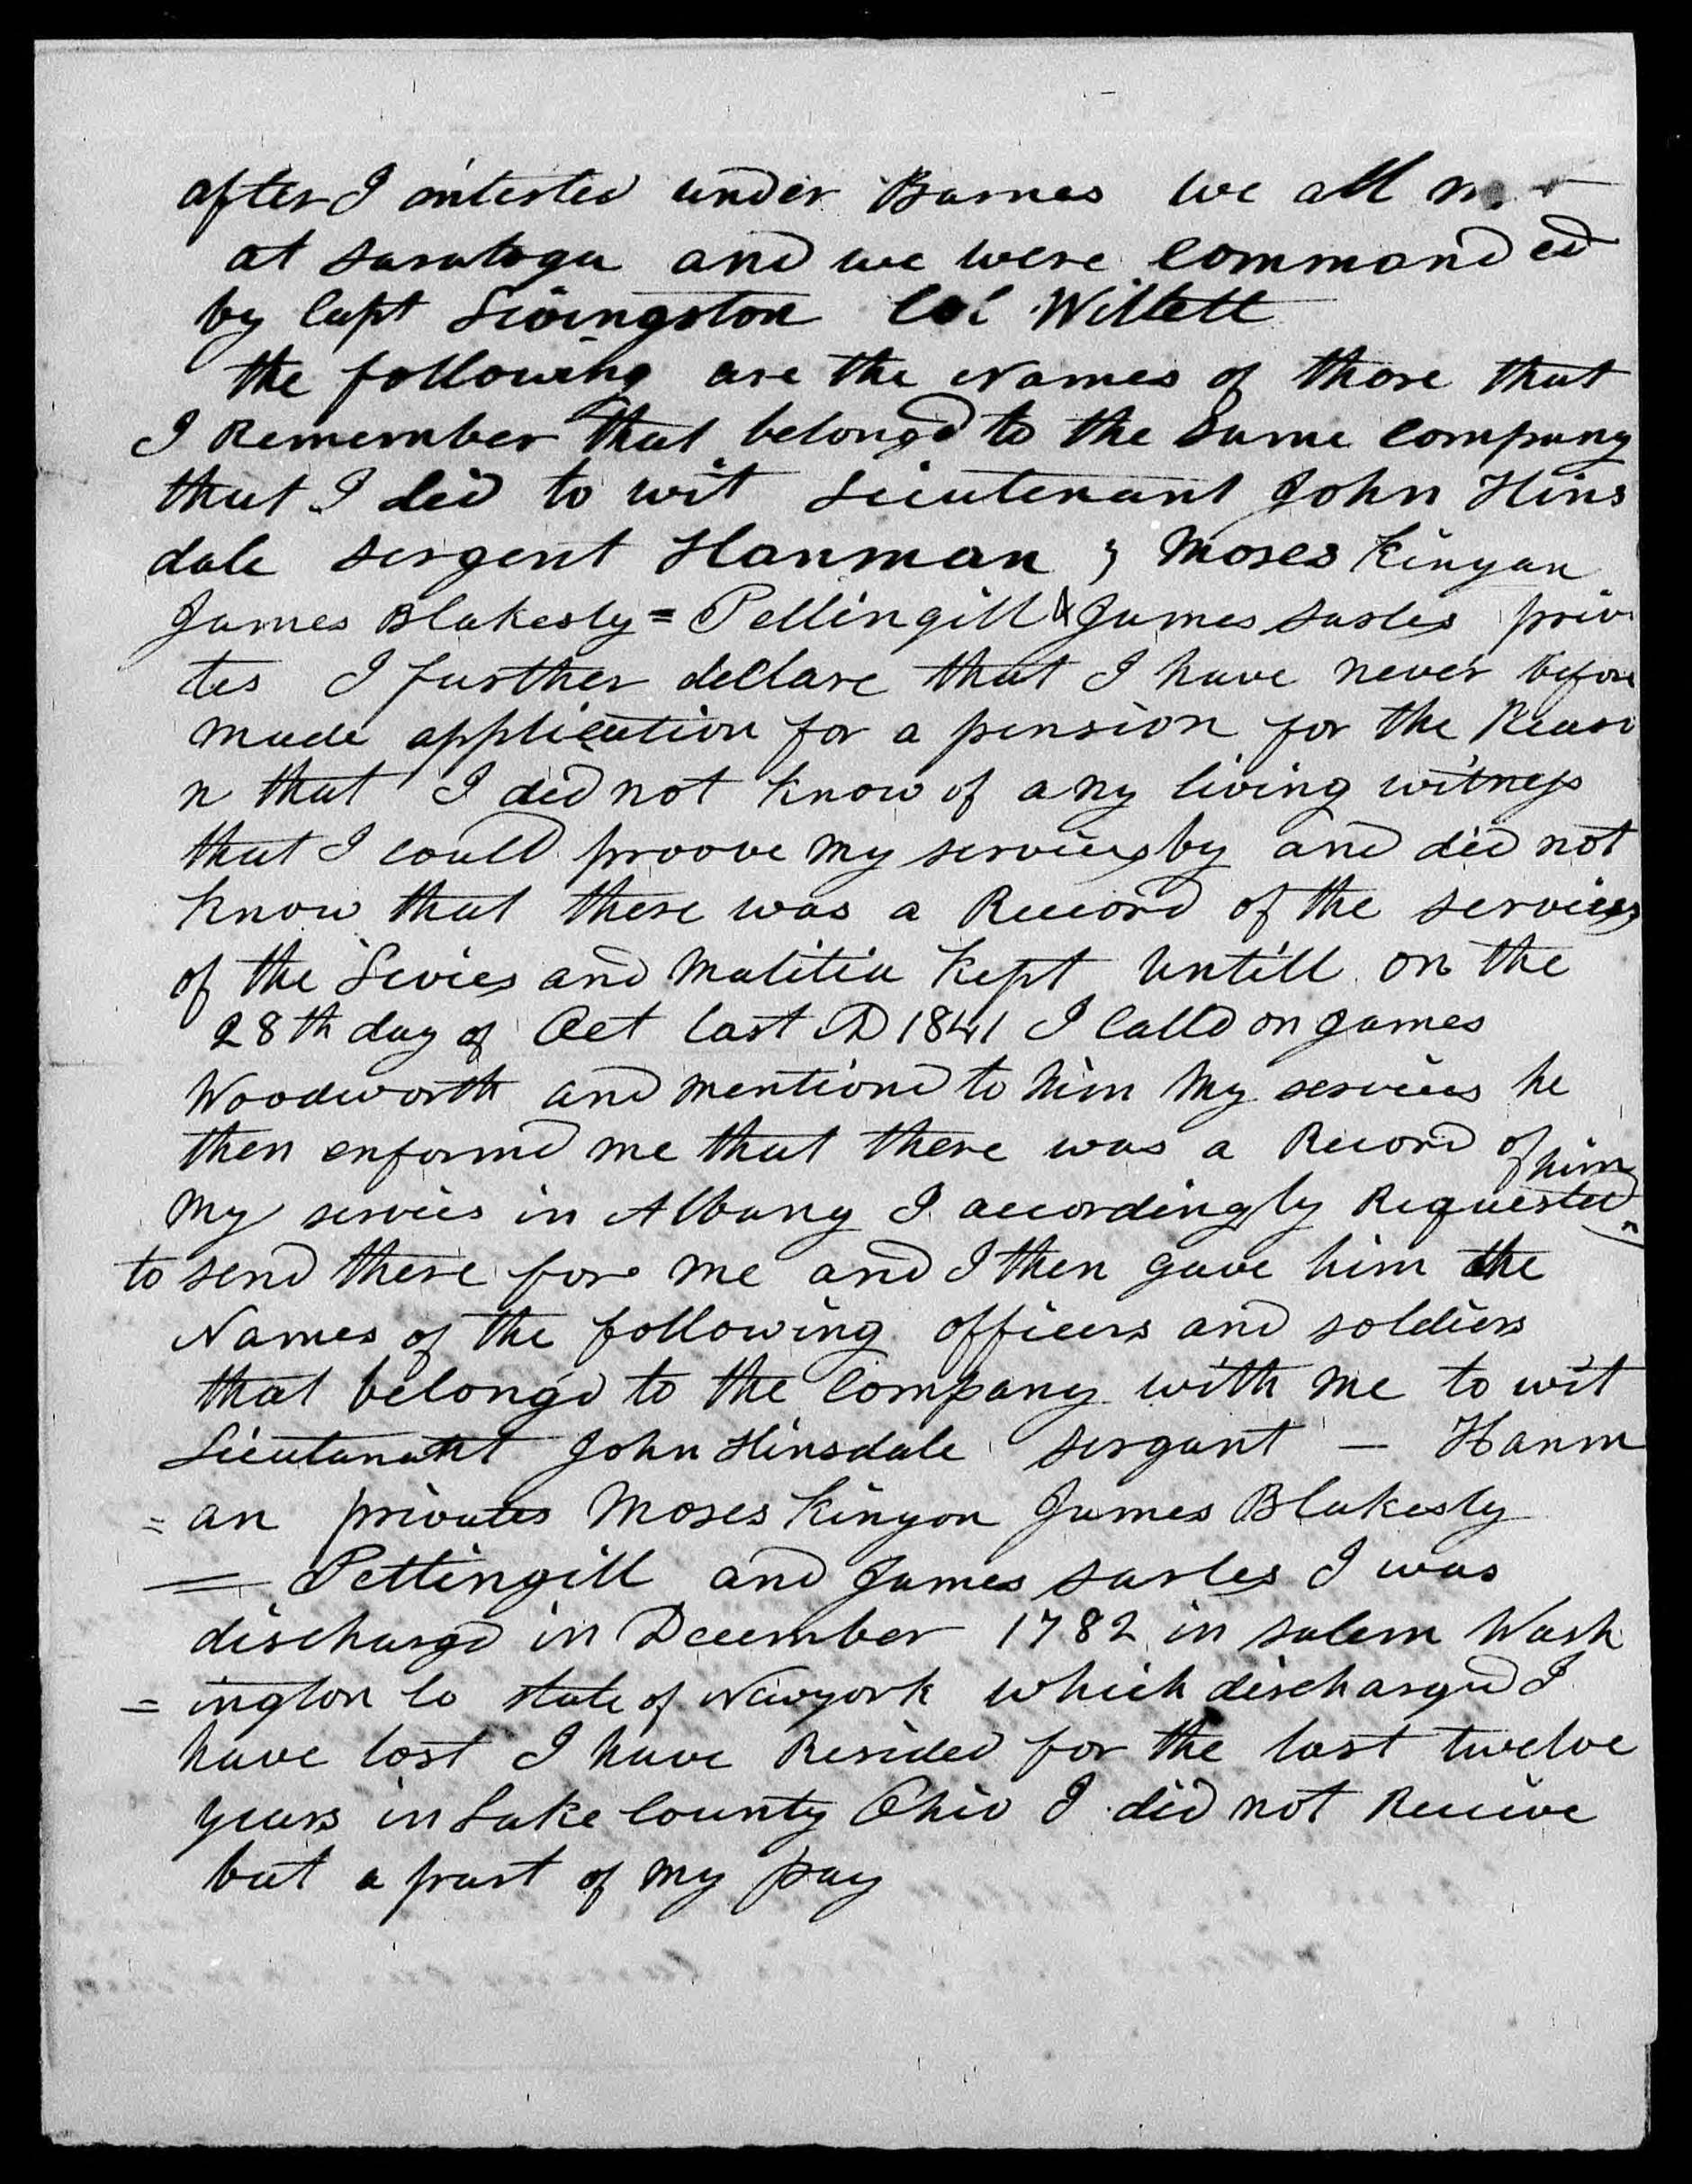After I enlisted under Barnes we all met at Saratoga and we were commanded by Capt. Livingston Col Willett. The following are the names of those that I remember that belonged to the same company that I did to wit. Lieutenant John Hinsdale, Sergent Hanman, Moses Kinyon, James Blakesley, Pettingill & James Sarles privates. I further declare that I have never before made application for a pension for the reason that I did not know of any living witness that I could proove my services by and did not know that there was a record of the services of the Levies and malitia kept untill on the 28th day of Oct last AD 1841. I called on James Woodworth and mentioned to him my services. He then informed me that there was a record of my services in Albany. I accordingly requested him to send these for me and I then gave him the names of the following officers and soldiers that belonged to the company with me to wit. Lieutanant John Kinsdale, sergant Hanman privates Moses kinyon James Blakesly Pettingill and James Sarles. I was discharged in December 1782 in Salem Washington Co. state of New York which discharged I have lost. I have resided for the last twelve years in Lake County Ohio. I did not receive but a part of my pay.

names: John Hinsdale, Hanman, Willett, James Blakesly, James Woodworth, James Sarles, Hanman, Moses Kinyon, Pettingill, Pettingill, John Hinsdale, Livingston, James Blakesly, Moses Kinyon, James Sarles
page: 5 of 44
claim: survivor's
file: S. 23639, Jonathan Fowler, New York